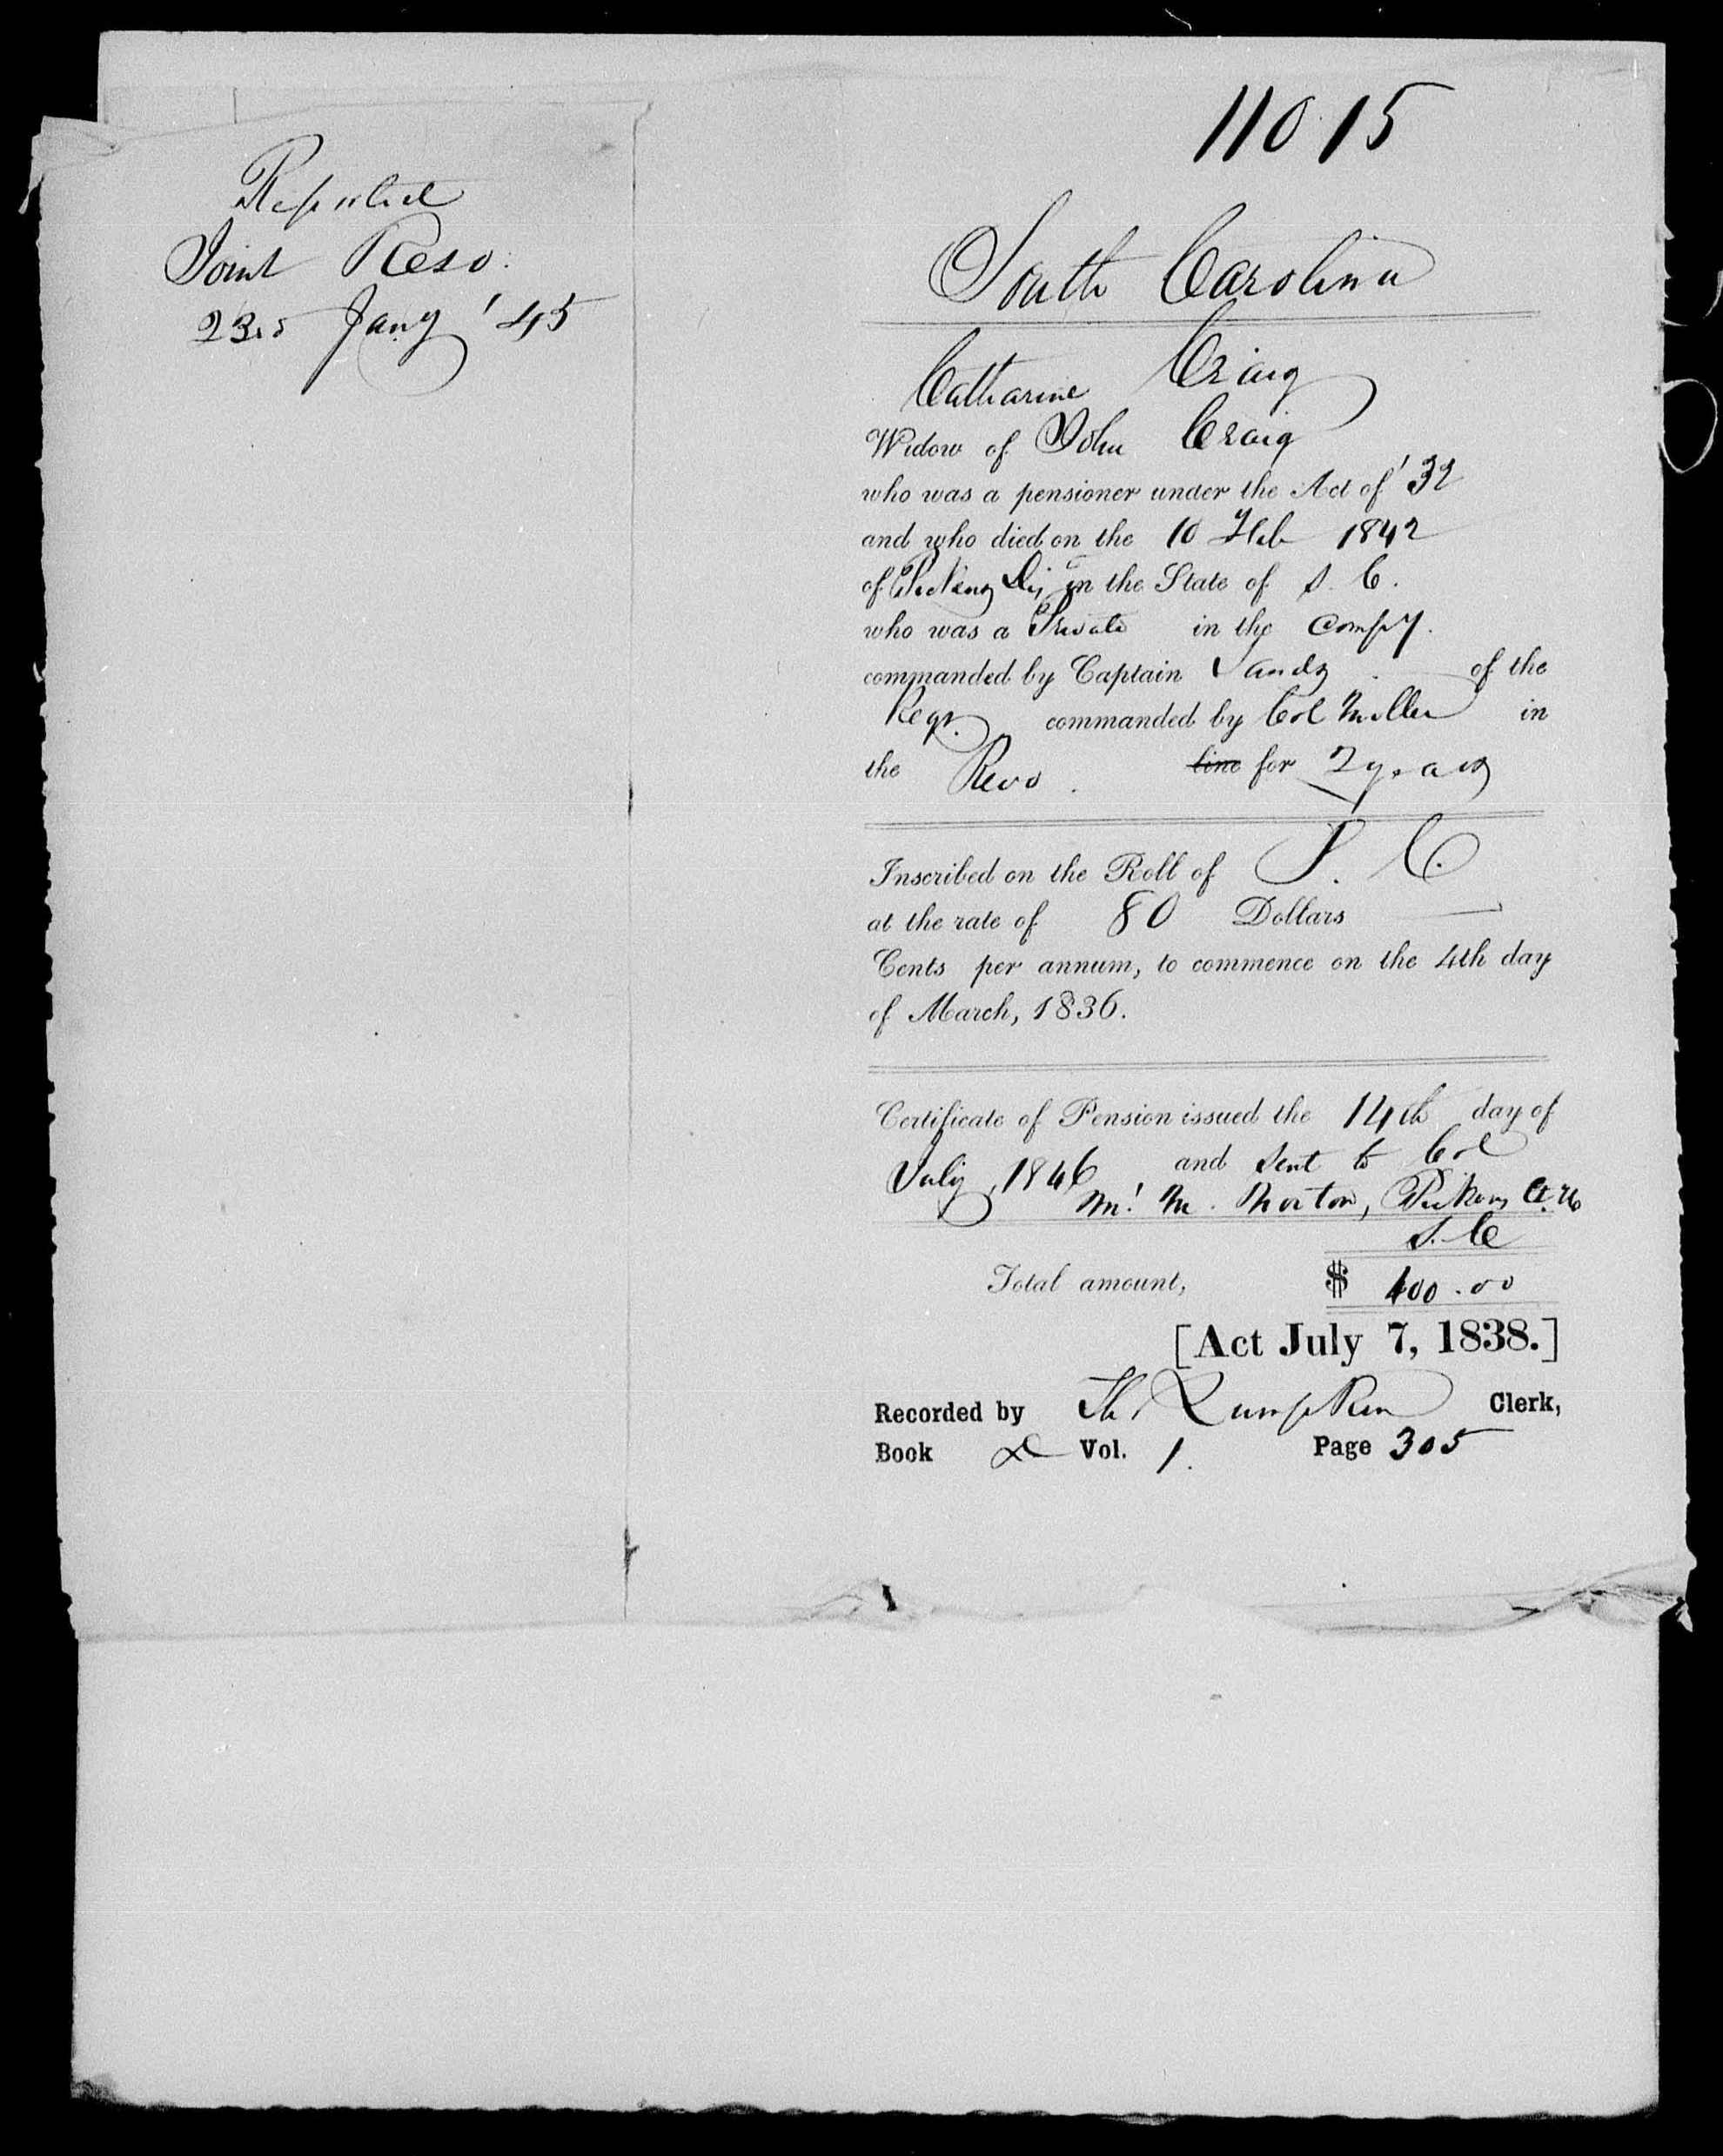(left)

Reputed
Joint Reso.
23d Jany '45

(right)
11015
South Carolina

Catharine Craig
Widow of John Craig
who was a pensioner under the Act of '32
and who died on the 10 Feb. 1842
of Pickins Dis. in the State of S.C.
who was a Private in the compy.
commanded by Captain Sandy of the 
Regt. commanded by Col. Miller in the Revo 
for 2 years

Inscribed on the Roll of S. C.
at the rate of 80 Dollars
--Cents per annum, to commence on the 
4th day of March, 1836.

Certificate of Pension issued the 14th day
July, 1846, and sent to Col. M! M. Norton,
Pickens Co. Us
S.C.
Total amount, $400.00
[Act July 7, 1838.]

Recorded by Th. Rumpken Clerk,
Book D  Vol. 1  Page 305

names: Th Lumpkin, Sands, Miller, Catharine Craig, M M Norton, John Craig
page: 17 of 55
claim: widow's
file: W. 22864, John Craig, S.C. Born In Iceland